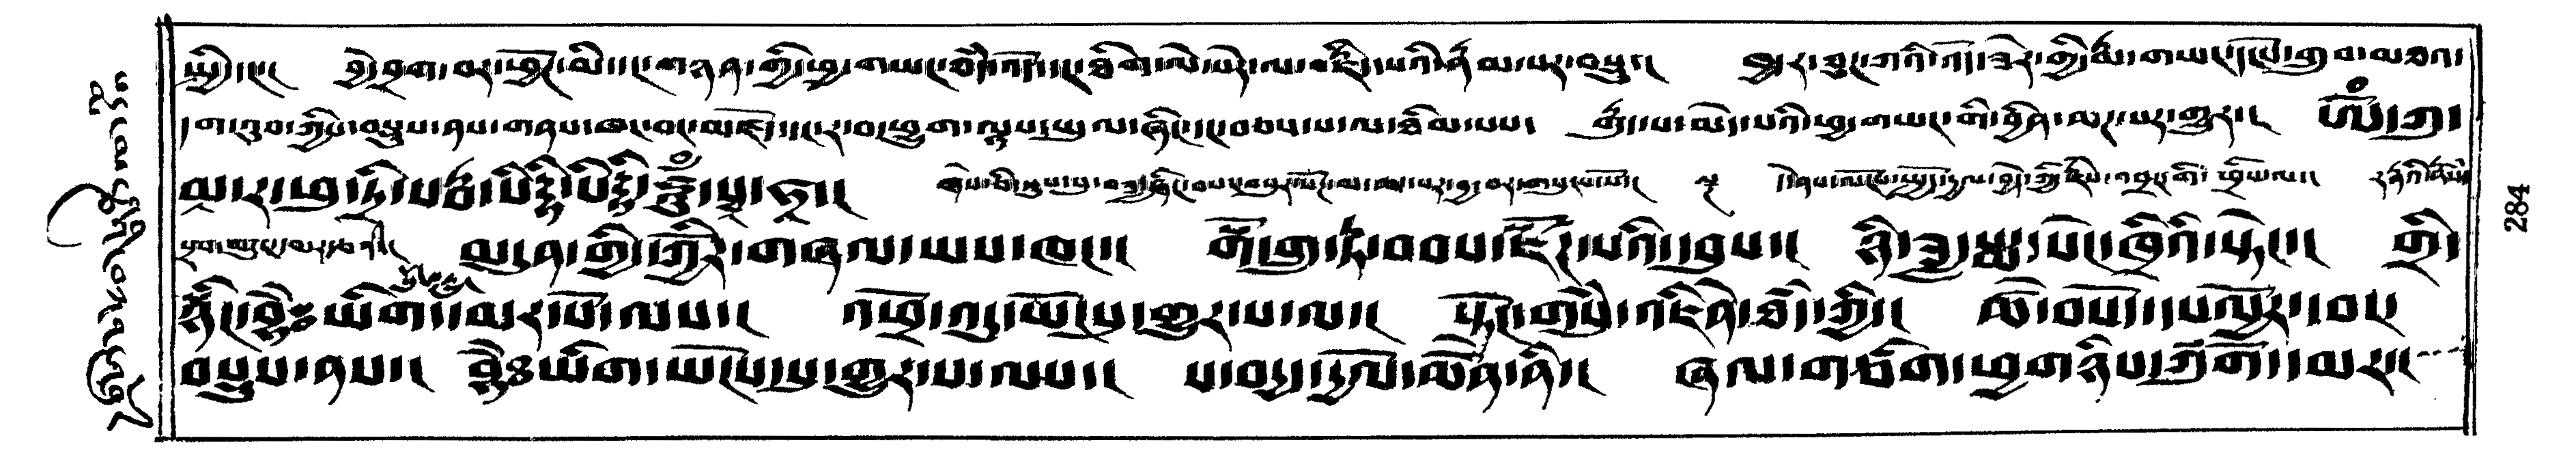སྤྱི་དང་། བྱེ་བྲག་བར་ཕྱོགས་མི་དང་གཉན་གྱི་ཕྱ་གཡང་ཐམས་ཅད་འོད་དང་ཐིག་ལེ་སེར་ལ་བརྗིད་པའི་རྣམ་པར་བསྡུས། ཁྱད་པར་ཐུགས་ཀའི་འོད་ཟེར་གྱིས་རྨ་གཡང་དངོས་གྲུབ་མཐའ་
དག་འུབ་ཀྱིས་བསྡུས་ནས་གནས་ཁང་བང་མཛོད་དང་ར་བ་ཕྱུགས་ལྷས་ཡུལ་ཞིང་དང་བཅས་པ་ལ་ཐིམ་པས། རྒུད་པ་མེད་པའི་ཕྱྭ་གཡང་གི་བྱིན་ཆགས་པར་གྱུར། ཨོཾ་ཀུ་
མཱ་ར་ཕུ་ཏྲི་སརྦ་སིདྡྷི་སིདྡྷི་ཧཱུྃ་སྭ་ཧཱ། ཞེས་ཅི་ནུས་སུ་བཟླ་ཞིང་བསང་གསུར་སོགས་མ་ཆད་པ་བྱ་བར་གསུངས་སོ།། ༈ དེ་ནས་ལོངས་སྤྱོད་རྒྱས་བྱེད་རྗེས་འབྲང་གི་ཕྲིན་ལས་ལ། རཏྣའི་རྣམ་
སྲས་མདུང་དམར་ཅན་ནི། མདུན་གྱི་དཀྱིལ་འཁོར་གཞལ་ཡས་ཁང་། །སྒོ་གྲུ་རྟ་བབས་རྫོགས་པའི་དབུས། །ཉི་ཟླ་པདྨ་སེང་ཁྲིའི་སྟེང་། །གྲི་
སྙིང་བྷཻ་ཿཡིག་དམར་པོ་ལས། །འཕྲོ་འདུ་ཡོངས་སུ་གྱུར་པ་ལ། །སྟོང་གསུམ་འཇིག་རྟེན་ཐམས་ཅད་ཀྱི། །ཚེ་བསོད་དཔལ་འབྱོར་དབང་
བསྡུས་ནས། བྷཻཿཡིག་ཡོངས་སུ་གྱུར་པ་ལས། །ས་བརྒྱད་རྒྱལ་པོ་ཆེན་པོ་ནི། །ཞལ་གཅིག་ཕྱག་གཉིས་སྐུ་མདོག་དམར།